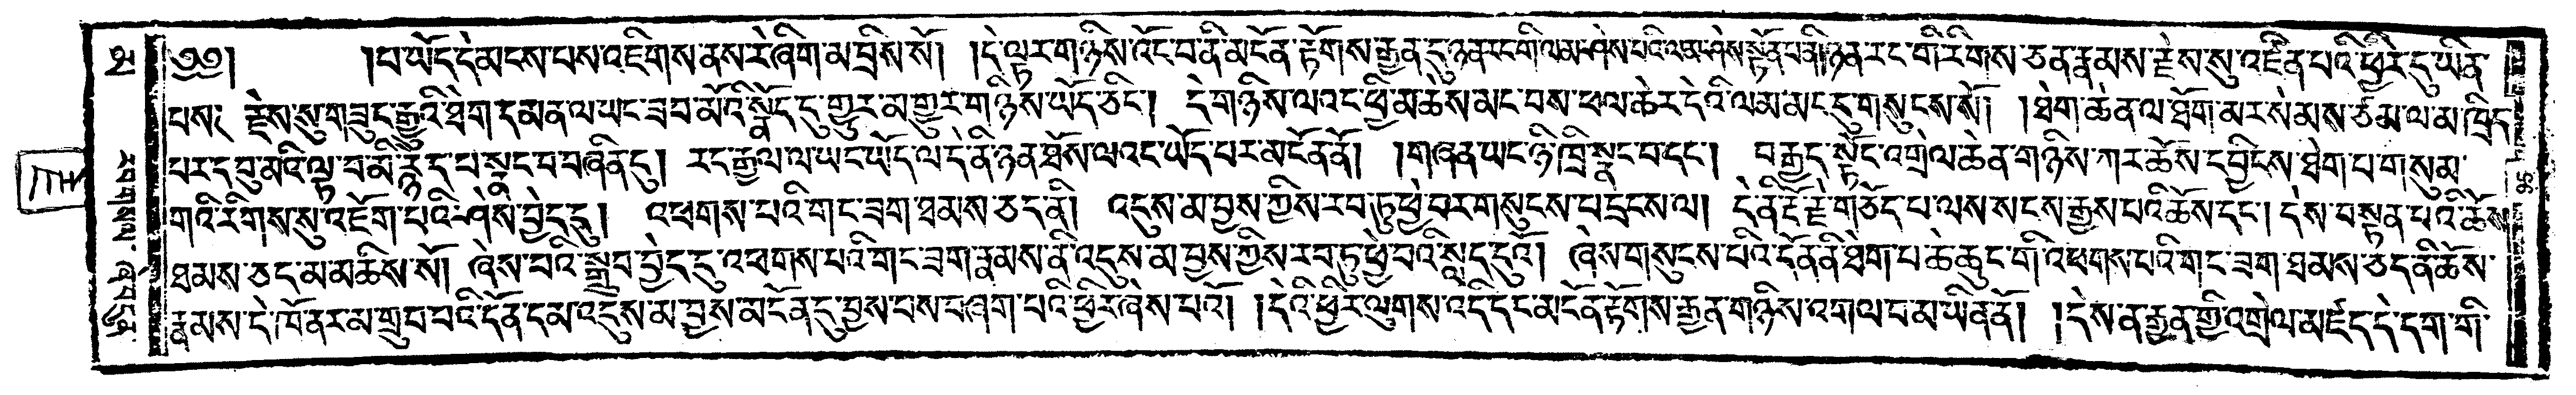༄༅། །པ་ཡོད་དེ་མངས་པས་འཇིགས་ནས་རེ་ཞིག་མ་བྲིས་སོ། །དེ་ལྟར་གཉིས་འོང་བ་ནི་མངོན་རྟོགས་རྒྱན་དུ་ཉན་རང་གི་ལམ་ཤེས་པའི་ལམ་ཤེས་སྟོན་པ་ནི། ཉན་རང་གི་རིགས་ཅན་རྣམས་རྗེས་སུ་འཛིན་པའི་ཕྱིར་དུ་ཡིན་
པས༑ རྗེས་སུ་གཟུང་རྒྱུའི་ཐེག་དམན་ལ་ཡང་ཟབ་མོའི་སྣོད་དུ་གྱུར་མ་གྱུར་གཉིས་ཡོད་ཅིང་། དེ་གཉིས་ལའང་ཕྱི་མ་བས་ཕལ་ཆེར་དེའི་ལམ་མང་དུ་གསུངས་སོ། །ཐེག་ཆེན་ལ་ཐོག་མར་སེམས་ཙམ་ལ་མ་ཁྲིད་
པར་དབུ་མའི་ལྟ་བ་མི་རྙེད་པ་སྣང་བ་བཞིན་དུ། རང་རྒྱལ་ལ་ཡང་ཡོད་ལ་དེ་ནི་ཉན་ཐོས་ལའང་ཡོད་པར་མངོན་ནོ། །གཞན་ཡང་ཉི་ཁྲི་སྣང་བ་དང་། བརྒྱད་སྟོང་འགྲེལ་ཆེན་གཉིས་ཀར་ཆོས་དབྱིངས་ཐེག་པ་གསུམ་
གའི་རིགས་སུ་འཇོག་པའི་ཤེས་བྱེད་དུ། འཕགས་པའི་གང་ཟག་ཐམས་ཅད་ནི། འདུས་མ་བྱས་ཀྱིས་རབ་ཏུ་ཕྱེ་བར་གསུངས་པ་དྲངས་ལ། དེ་ནི་རྡོ་རྗེ་གཅོད་པ་ལས་སངས་རྒྱས་པའི་ཆོས་དང་། དེས་བསྟན་པའི་ཆོས་
ཐམས་ཅད་མ་མཆིས་སོ། ཞེས་པའི་སྒྲུབ་བྱེད་དུ་འཕགས་པའི་གང་ཟག་རྣམས་ནི་འདུས་མ་བྱས་ཀྱིས་རབ་ཏུ་ཕྱེ་བའི་སླད་དུའོ། ཞེས་གསུངས་པའི་དོན་ནི་ཐེག་པ་ཆེ་ཆུང་གི་འཕགས་པའི་གང་ཟག་ཐམས་ཅད་ནི་ཆོས་
རྣམས་དེ་ཁོ་ནར་མ་གྲུབ་པའི་དོན་དམ་འདུས་མ་བྱས་མངོན་དུ་བྱས་པས་བཞག་པའི་ཕྱིར་ཞེས་པའོ། །དེའི་ཕྱིར་ལུགས་འདི་དང་མངོན་རྟོགས་རྒྱན་གཉིས་འགལ་བ་མ་ཡིན་ནོ། །དེས་ན་རྒྱན་གྱི་འགྲེལ་མཛད་དེ་དག་གི་